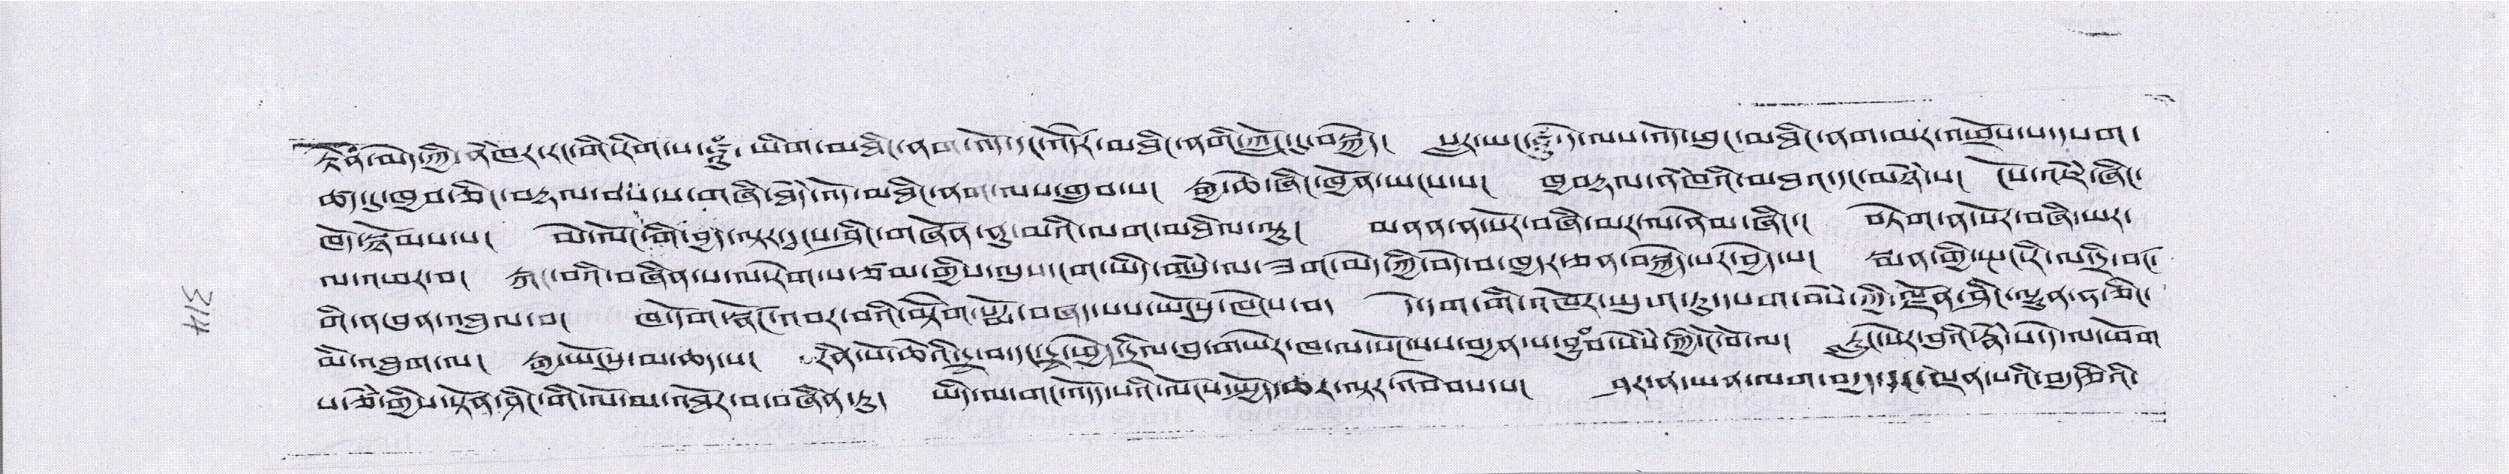རྟེན་མེད་ཀྱི་ནམ་མཁར་རང་གི་རིག་པ་ཧཱུཾ་ཡིག་མཐིང་ནག་འོད་དང་འོད་ཟེར་མཐིང་ནག་གི་ཀློང་དུ་བསྐྱེད། སླར་ཡང་ཧཱུཾ་དེ་ལས་འོད་ཕུང་མཐིང་ནག་མར་འཕྲོས་པ་དཔག་
ཚད་དུ་ཁྱབ་ཅིང་བརྡལ་བས་ས་གཞི་ཐམས་ཅད་འོད་མཐིང་ནག་ལས་གྲུབ་པ། རྒྱ་ཆེ་ཞིང་ཁྱོན་ཡངས་པ། ཁྱབ་འདལ་ནམ་མཁའི་མཐའ་དང་མཉམ་པ། ངོས་འཛིན་ཞིང་
ཁོད་སྙོམས་པ། མེ་ལོང་གི་བྱད་ལྟར་དྭངས་ཤིང་གཞོན་ནུ་མའི་ལག་མཐིལ་ལྟ་བུ། མནན་ན་སོར་བཞི་མར་ལ་ནེམ་ཞིང། བཏེག་ན་སོར་བཞི་ཡར་
ལ་འཕར་བ། རྐང་བའི་བཞིན་ས་ལ་རེག་པ་ཙམ་གྱིས་ལུས་ངག་ཡིད་གསུམ་ལ་ཟག་མེད་ཀྱི་བདེ་བ་ཁྱད་པར་ཅན་བསྐྱེད་པར་བྱེད་པ། སྨན་གྱི་སྤང་རི་ལ་དྲི་གཙང་
གི་ན་བུན་འཐུལ་བ། ཁ དོག་སྣ་ཚོགས་འབར་བའི་མེ་ཏོག་པདྨོ་བཞད་པས་ཡོངས་སུ་ཁེངས་བ། དེ་དག་གི་འཁོར་ཡུག་ཏུ་དཔག་བསམ་གྱི་ལྗོན་ཤིང་ལྷུན་ཧ་ཅིང་
མི་འཐུག་ལ། རྒྱ་ཡོངས་སུ་མ་ཆད་པ། རིན་པོ་ཆེའི་དྲྭ་བ་དང་དྲྭ་ཕྱེད་དྲིལ་བུ་གཡེར་ཁ་ལ་སོགས་པས་བརྒྱན་པ་བྱང་ཆུབ་སེམས་ཀྱི་ངོ་བོ་ལ། རླུང་སེར་བུའི་རྣམ་པ་དེ་ལ་ཕོག་
པ་ཙམ་གྱིས་སྟོན་ཤིང་གི་ལོ་མ་འཐོར་བ་བཞིན་ཏུ། ཡིད་ལ་གང་འདོད་པའི་ལོངས་སྤྱོད་ཆར་ལྟར་འབེབས་པ། ཤར་ན་ཡན་ལག་བརྒྱད་དང་ལྡན་པའི་བདུད་རྩིའི་